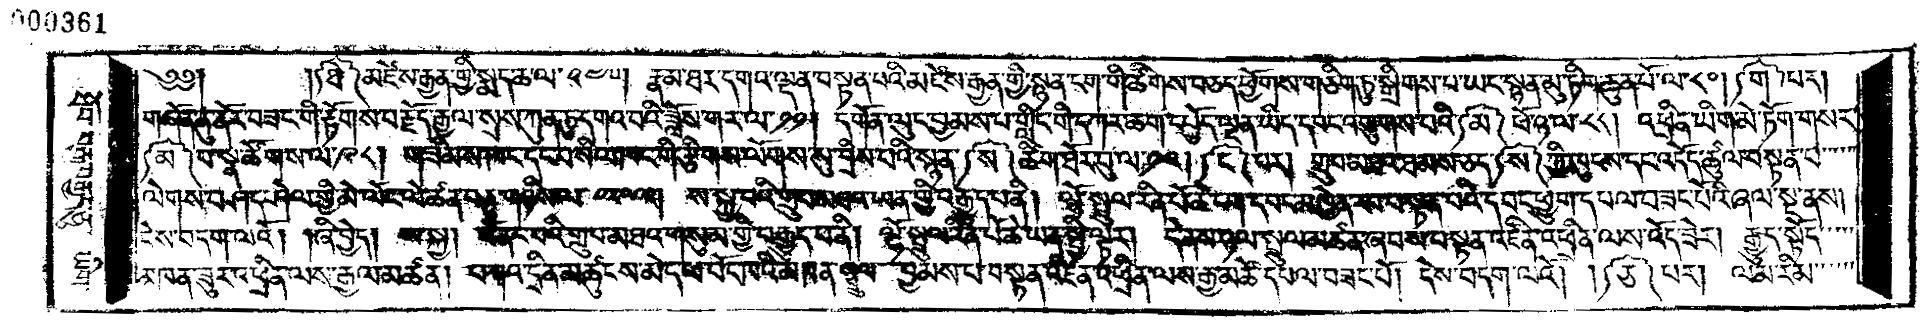༄༅། །༼ཐེ༽ མཛེས་རྒྱན་གྱི་སྨད་ཆ་ལ ༢༤༥། རྣམ་ཐར་དགའ་ལྡན་བསྟན་པའི་མཛེས་རྒྱན་གྱི་སྙན་ངག་གི་ཚིགས་བཅད་ཕྱོགས་གཅིག་ཏུ་སྒྲིགས་པ་ཡང་སྙན་མུ་ཏིག་ཆུན་པོ་ལ ༨༠། ༼ག༽ པར།
གཞོན་ནུ་ནོར་བཟང་གི་རྟོགས་བརྗོད་རྒྱལ་སྲས་ཀུན་ཏུ་དགའ་བའི་ཟློས་གར་ལ ༡༡། དགོན་ལུང་བྱམས་པ་གླིང་གི་དཀར་ཆག་དཔྱོད་ལྡན་ཡིད་དབང་འགུགས་པའི ༼མ༽ ཕོ་ཉ་ལ ༨༨། འཕྲིན་ཡིག་མེ་ཏོག་གསར་
༼མ༽ བ་སྣ་ཚོགས་ལ ༩༨། གཟིམས་ཁང་དང་བསིལ་ཁང་གི་རྩིགས་ལོགས་སུ་བྲིས་པའི་སྙན ༼ས༽ ཚིག་ཐོར་བུ་ལ ༡༢། ༼ང༽ པར། གྲུབ་མཐའ་ཐམས་ཅད ༼ས༽ ཀྱི་ཁུངས་དང་འདོད་ཚུལ་བསྟན་པ་
ལེགས་བཤད་ཤེལ་གྱི་མེ་ལོང་ལེ་ཚན་བཅུ་གཉིས་ལ ༣༠༣། ས་སྐྱ་བའི་གྲུབ་མཐའ་ཡན་གྱི་བརྒྱུད་པ་ནི། ལྷོ་སྤྲུལ་རིན་པོ་ཆེ་ངག་དབང་མཁྱེན་རབ་བསྟན་པའི་དབང་ཕྱུག་དཔལ་བཟང་པོའི་ཞལ་སྔ་ནས།
དེས་བདག་ལའོ། །ཞི་བྱེད། ས་སྐྱ། ཇོ་ནང་བའི་གྲུབ་མཐའ་གསུམ་གྱི་བརྒྱུད་པ་ནི། ལྷོ་སྤྲུལ་རིན་པོ་ཆེ་ཡན་སྤྱི་ལྟར། དེ་ནས་ཉལ་སྤྲུལ་མཚན་ཞབས་བསྟན་འཛིན་འཕྲིན་ལས་འོད་ཟེར། རྒྱུད་སྟོད་
མཁན་ཟུར་འཕྲིན་ལས་རྒྱལ་མཚན། བཀའ་དྲིན་མཚུངས་མེད་ཕ་བོང་ཁའི་མཁན་སྤྲུལ་བྱམས་པ་བསྟན་འཛིན་འཕྲིན་ལས་རྒྱ་མཚོ་དཔལ་བཟང་པོ། དེས་བདག་ལའོ། །༼ཅ༽ པར། ལམ་རིམ་